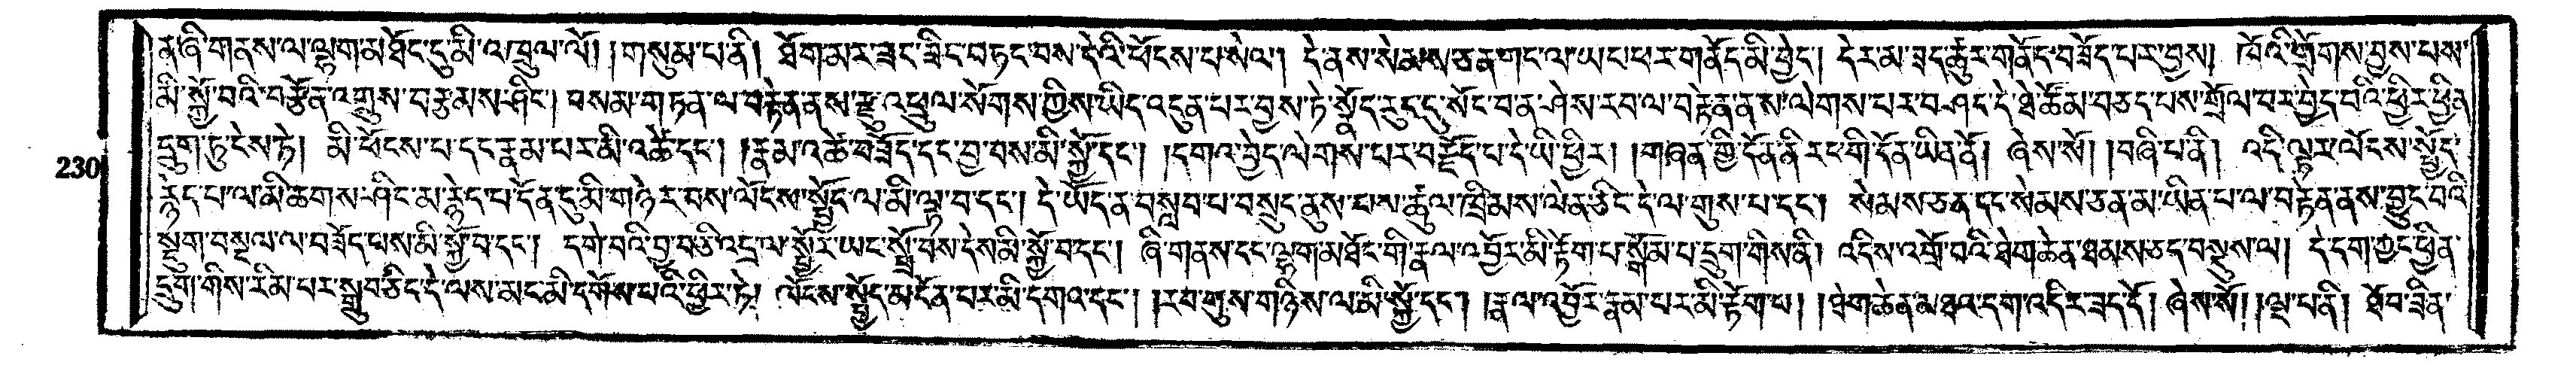ན་ཞི་གནས་ལ་ལྷག་མཐོང་དུ་མི་འཁྲུལ་ལོ། །གསུམ་པ་ནི། ཐོག་མར་ཟང་ཟིང་བཏང་བས་དེའི་ཕོངས་པ་སེལ། དེ་ནས་སེམས་ཅན་གང་ལ་ཡང་ཕར་གནོད་མི་བྱེད། དེར་མ་ཟད་ཚུར་གནོད་བཟོད་པར་བྱས། ཁོའི་གྲོགས་བྱས་པས་
མི་སྐྱོ་བའི་བརྩོན་འགྲུས་བརྩམས་ཤིང་། བསམ་གཏན་ལ་བརྟེན་ནས་རྫུ་འཕྲུལ་སོགས་ཀྱིས་ཡིད་འདུན་པར་བྱས་ཏེ་སྣོད་རུང་དུ་སོང་བ་ན་ཤེས་རབ་ལ་བརྟེན་ནས་ལེགས་པར་བཤད་དེ་ཐེ་ཚོམ་བཅད་པས་གྲོལ་བར་བྱེད་བའི་ཕྱིར་ཕྱིན་
དྲུག་ཏུ་ངེས་ཏེ། མི་ཕོངས་པ་དང་རྣམ་པར་མི་འཚེ་དང་། །རྣམ་འཚེ་བཟོད་དང་བྱ་བས་མི་སྐྱོ་དང་། །དགའ་བྱེད་ལེགས་པར་བརྗོད་པ་དེ་ཡི་ཕྱིར། །གཞན་གྱི་དོན་ནི་རང་གི་དོན་ཡིན་ནོ། །ཞེས་སོ། །བཞི་པ་ནི། འདི་ལྟར་ལོངས་སྤྱོད་
རྙེད་པ་ལ་མི་ཆགས་ཤིང་མ་རྙེད་པ་དོན་དུ་མི་གཉེར་བས་ལོངས་སྤྱོད་ལ་མི་ལྟ་བ་དང་། དེ་ཡོད་ན་བསླབ་པ་བསྲུང་ནུས་པས་ཚུལ་ཁྲིམས་ལེན་ཅིང་དེ་ལ་གུས་པ་དང་། སེམས་ཅན་དང་སེམས་ཅན་མ་ཡིན་པ་ལ་བརྟེན་ནས་བྱུང་བའི་
སྡུག་བསྔལ་ལ་བཟོད་པས་མི་སྐྱོ་བ་དང་། དགེ་བའི་བྱ་བ་ཅི་འདྲ་ལ་སྤྱོར་ཡང་སྤྲོ་བས་དེས་མི་སྐྱོ་བ་དང་། ཞི་གནས་དང་ལྷག་མཐོང་གི་རྣལ་འབྱོར་མི་རྟོག་པ་སྒོམ་པ་དྲུག་གིས་ནི། འདིས་འགྲོ་བའི་ཐེག་ཆེན་ཐམས་ཅད་བསྡུས་ལ། དེ་དག་ཀྱང་ཕྱིན་
དྲུག་གིས་རིམ་པར་སྒྲུབ་ཅིང་དེ་ལས་མང་མི་དགོས་པའི་ཕྱིར་ཏེ། ལོངས་སྤྱོད་མངོན་བར་མི་དགའ་དང་། །རབ་གུས་གཉིས་ལ་མི་སྐྱོ་དང་། །རྣལ་འབྱོར་རྣམ་པར་མི་རྟོག་པ། །ཐེག་ཆེན་མཐའ་དག་འདིར་ཟད་དོ། ཞེས་སོ། །ལྔ་པ་ནི། ཐོབ་ཟིན་